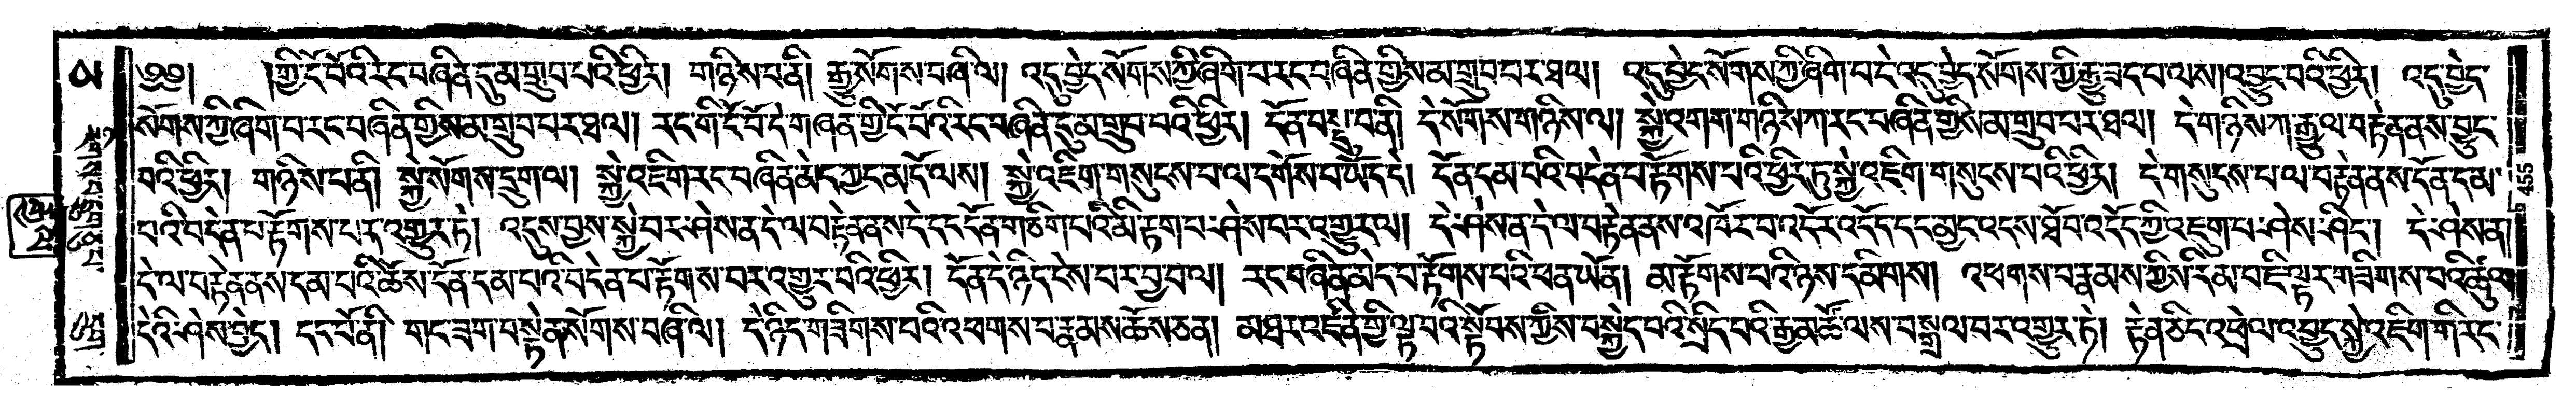༄༅། །གྱི་ངོ་བོའི་རང་བཞིན་དུ་མ་གྲུབ་པའི་ཕྱིར། གཉིས་པ་ནི། རྒྱུ་སོགས་བཞི་ལ། འདུ་བྱེད་སོགས་ཀྱི་ཞིག་པ་རང་བཞིན་གྱིས་མ་གྲུབ་པར་ཐལ། འདུ་བྱེད་སོགས་ཀྱི་ཞིག་པ་ངེ་འདུ་བྱེད་སོགས་ཀྱི་རྒྱུ་ཟད་པ་ལས། འབྱུང་བའི་ཕྱིར། འདུ་བྱེད་
སོགས་ཀྱི་ཞིག་པ་རང་བཞིན་གྱིས་མ་གྲུབ་པར་ཐལ། རང་གི་ངོ་བོ་དེ་གཞན་གྱི་ངོ་བོའི་རང་བཞིན་དུ་མ་གྲུབ་པའི་ཕྱིར། དོན་བསྡུ་བ་ནི། དེ་སོགས་གཉིས་ལ། སྐྱེ་འགག་གཉིས་ཀ་རང་བཞིན་གྱིས་མ་གྲུབ་པར་ཐལ། དེ་གཉིས་ཀ་རྒྱུ་ལ་བརྟེན་ནས་བྱུང་
བའི་ཕྱིར། གཉིས་པ་ནི། སྐྱེ་སོགས་དྲུག་ལ། སྐྱེ་འཇིག་རང་བཞིན་མེད་ཀྱང་མདོ་ལས། སྐྱེ་འཇིག་གསུངས་པ་ལ་དགོས་པ་ཡོད་དེ། དོན་དམ་པའི་བདེན་པ་རྟོགས་པའི་ཕྱིར་ཏུ་སྐྱེ་འཇིག་གསུངས་པའི་ཕྱིར། དེ་གསུངས་པ་ལ་བརྟེན་ནས་དོན་དམ་
པའི་བདེན་པ་རྟོགས་པར་འགྱུར་ཏེ། འདུས་བྱས་སྐྱེ་བར་ཤེས་ན་དེ་ལ་བརྟེན་ནས་དེ་དང་དོན་གཅིག་པའི་མི་རྟག་པ་ཤེས་པར་འགྱུར་ལ། དེ་ཤེས་ན་དེ་ལ་བརྟེན་ནས་འཁོར་བ་འདོར་འདོད་དང་མྱང་འདས་ཐོབ་འདོད་ཀྱི་འཇུག་པ་ཤེས་ཤིང་། དེ་ཤེས་ན་
དེ་ལ་བརྟེན་ནས་དམ་པའི་ཆོས་དོན་དམ་པའི་བདེན་པ་རྟོགས་པར་འགྱུར་བའི་ཕྱིར། དོན་དེ་ཉིད་ངེས་པར་བྱ་བ་ལ། རང་བཞིན་མེད་པ་རྟོགས་པའི་ཕན་ཡོན། མ་རྟོགས་པའི་ཉས་དམིགས། འཕགས་པ་རྣམས་ཀྱིས་རིམ་པ་ཇི་ལྟར་གཟིགས་པའི་ཚུལ་
དེའི་ཤེས་བྱེད། དང་པོ་ནི། གང་ཟག་བསྟེན་སོགས་བཞི་ལ། དེ་ཉིད་གཟིགས་པའི་འཕགས་པ་རྣམས་ཆོས་ཅན། མཐར་འཛིན་གྱི་ལྟ་བའི་སྟོབས་ཀྱིས་བསྐྱེད་པའི་སྲིད་པའི་རྒྱ་མཚོ་ལས་བསྒྲལ་བར་འགྱུར་ཏེ། རྟེན་ཅིང་འཕྲེལ་འབྱུང་སྐྱེ་འཇིག་གི་རང་